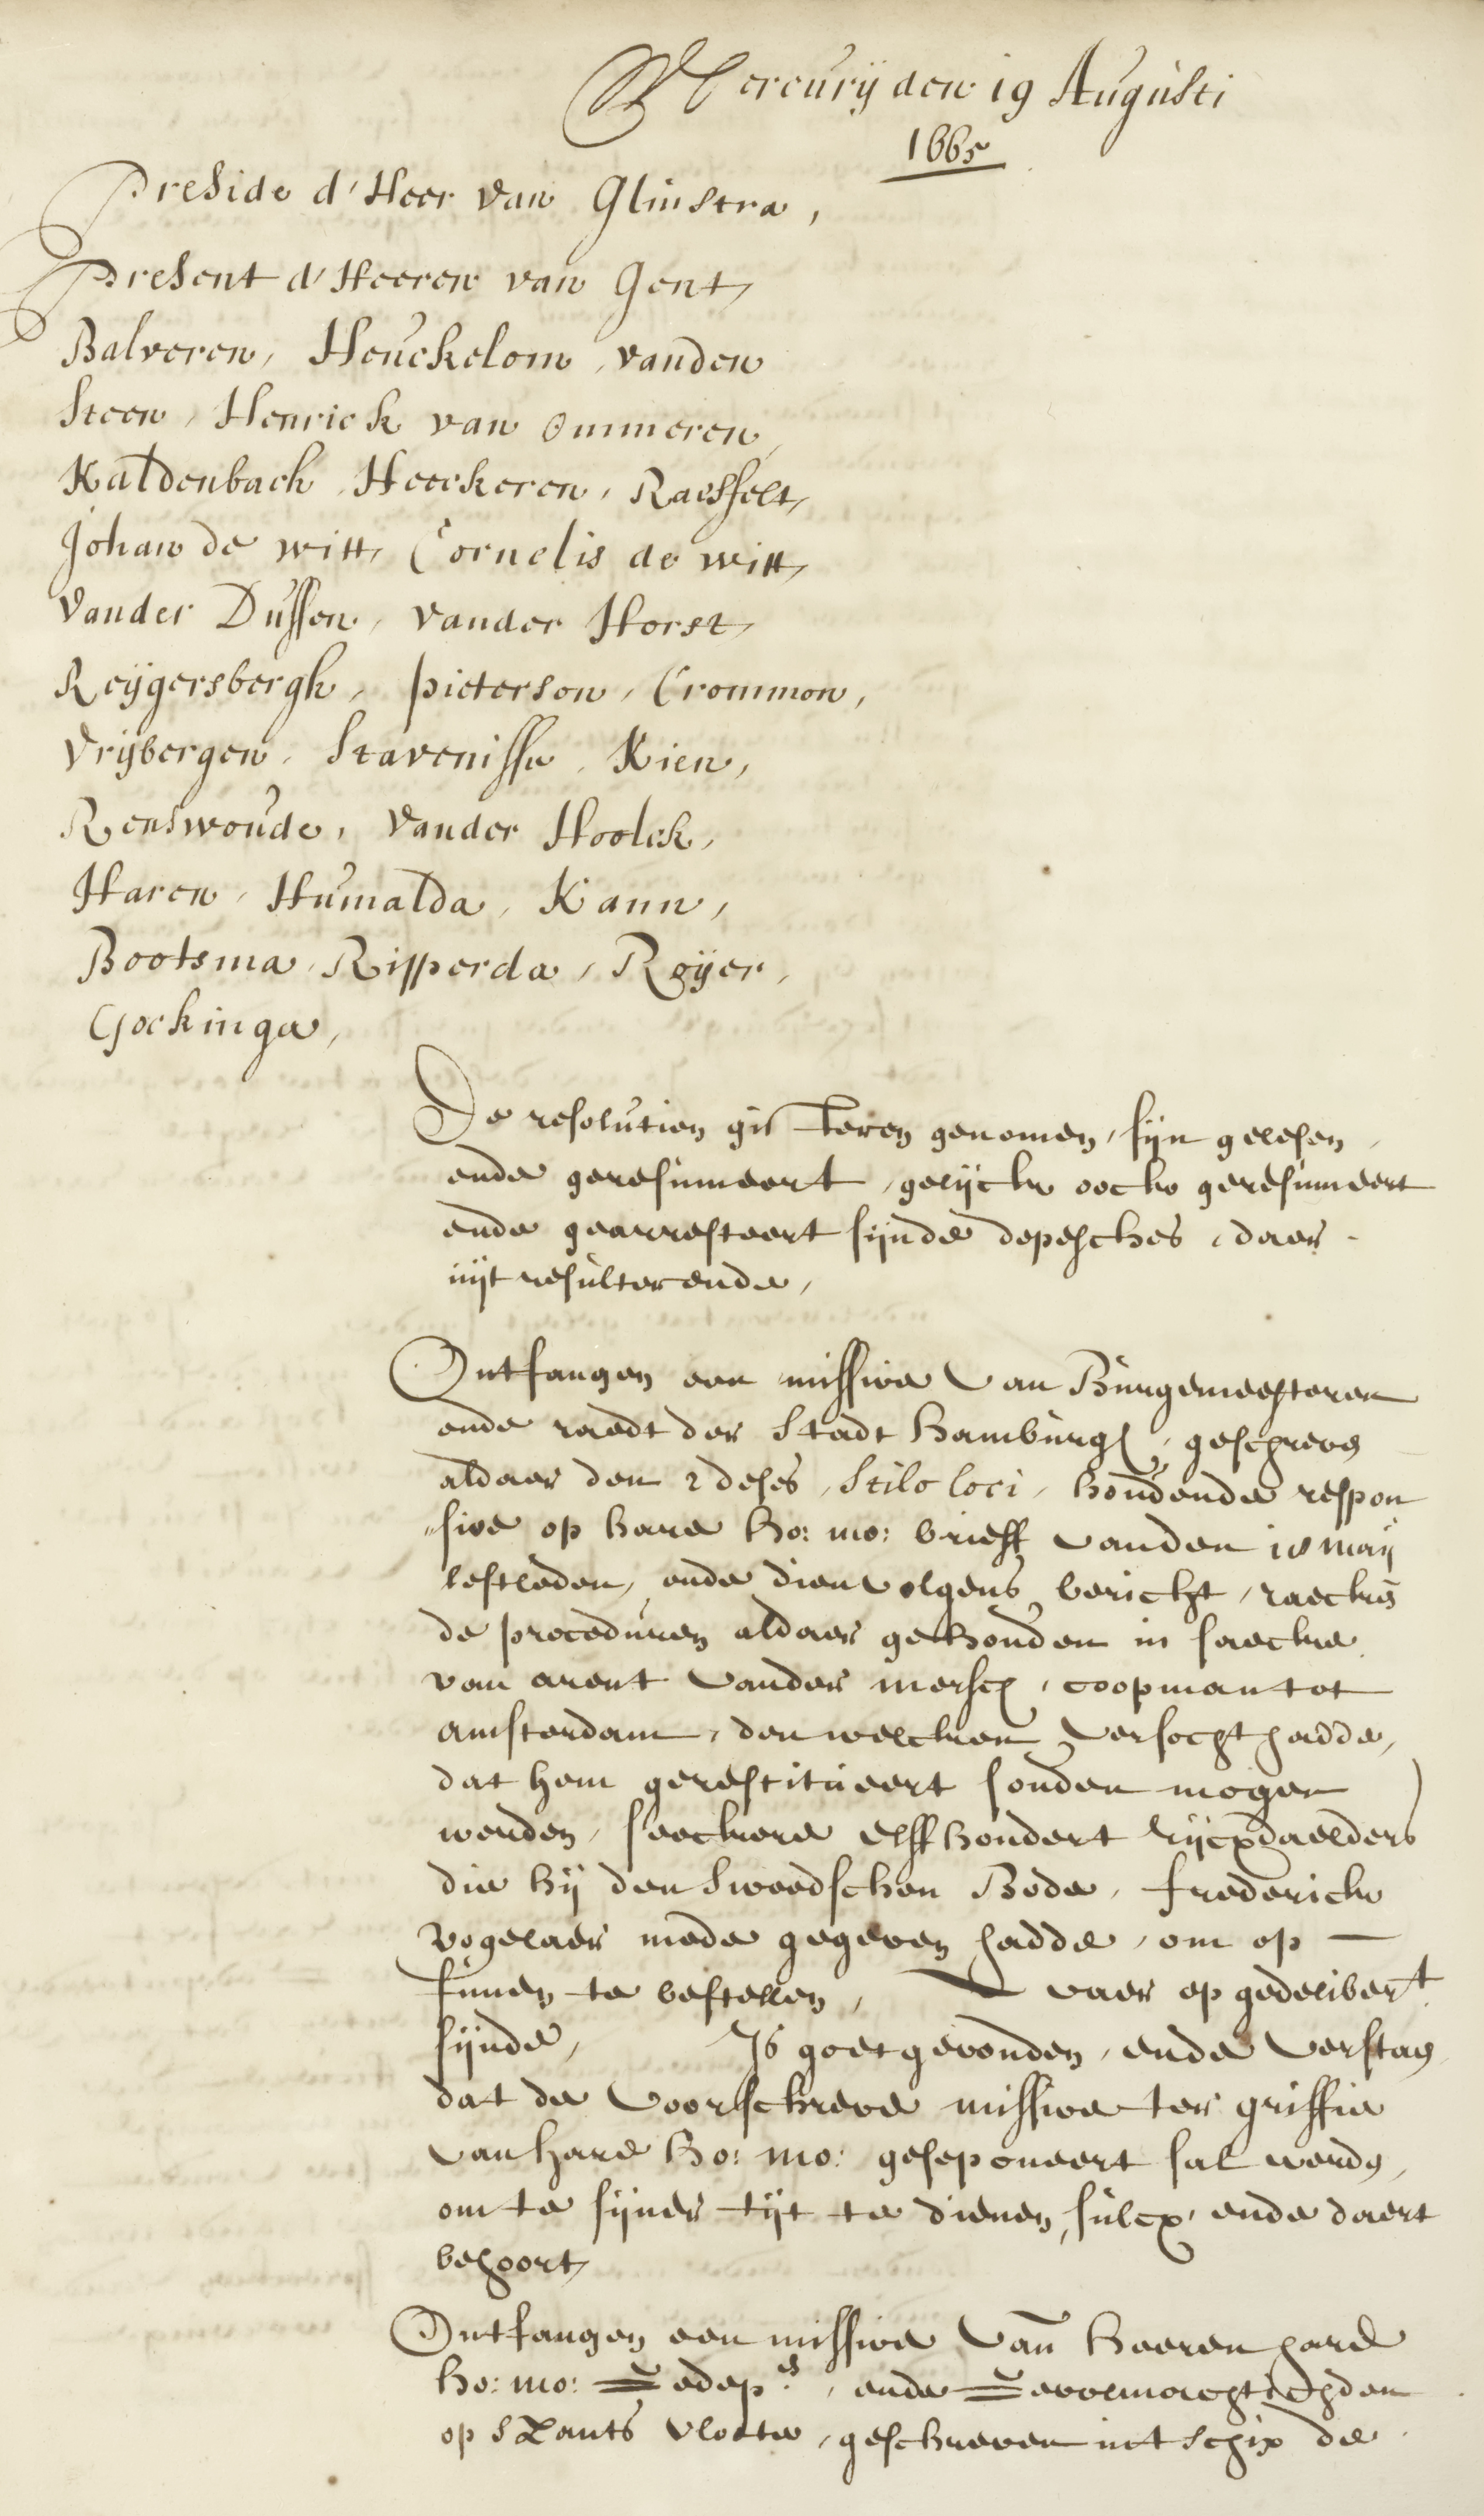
Mercurij den 19 Augusti
1665
Preside d'Heer van Glinstra,
Present d'Heeren van Gent,
Balveren, Heuckelom, vanden
Steen, Henrick van Ommeren,
Kaldenbach, Heeckeren, Raesfelt,
Johan de Witt, Cornelis de Witt,
van der Dussen, van der Horst,
Reijgersbergh, Pieterson, Crommon,
Vrijbergen, Stavenisse, Kien,
Renswoude, Van der Hoolck,
Haren, Humalda, Kann,
Bootsma, Ripperda, Roijer,
Gockinga.
De resolutien gisteren genomen, sijn gelesen
ende geresumeert, gelijck oock geresumeert
ende gearresteert sijn de depesches, daer
uijt resulterende.
Ontfangen een missive van Burgemeesteren
ende raedt der Stadt Hamburgh, geschreven
aldaer den 2 deses, stilo loci, houdende respon„
,,sive op hare Ho: Mo: brieff vanden 18 maij
lestleden, ende dienvolgens bericht, raecken
de proceduren aldaer gehouden in saecke
van Arent vander Morsch, coopman tot
Amsterdam, den welcken versocht hadde
dat hem gerestitueert souden mogen
worden, seeckere elffhondert rijcxdaelders
die hij den Sweedschen Bode, Frederick
Vogelaer mede gegeven hadde, om op
sunen te bestellen. Waer op gedelibereert
sijnde, Is goet gevonden, ende verstaen
dat de voorschreve missive ter griffie
van hare Ho: Mo: geseponeert sal werden
om te sijner tijt te dienen, sulcx, ende daert
behoort.
Ontfangen een missive van heeren hare
Ho: Mo: Gedepen ende Gevolmachtichden
op sLants vloote, geschreven int schip de
